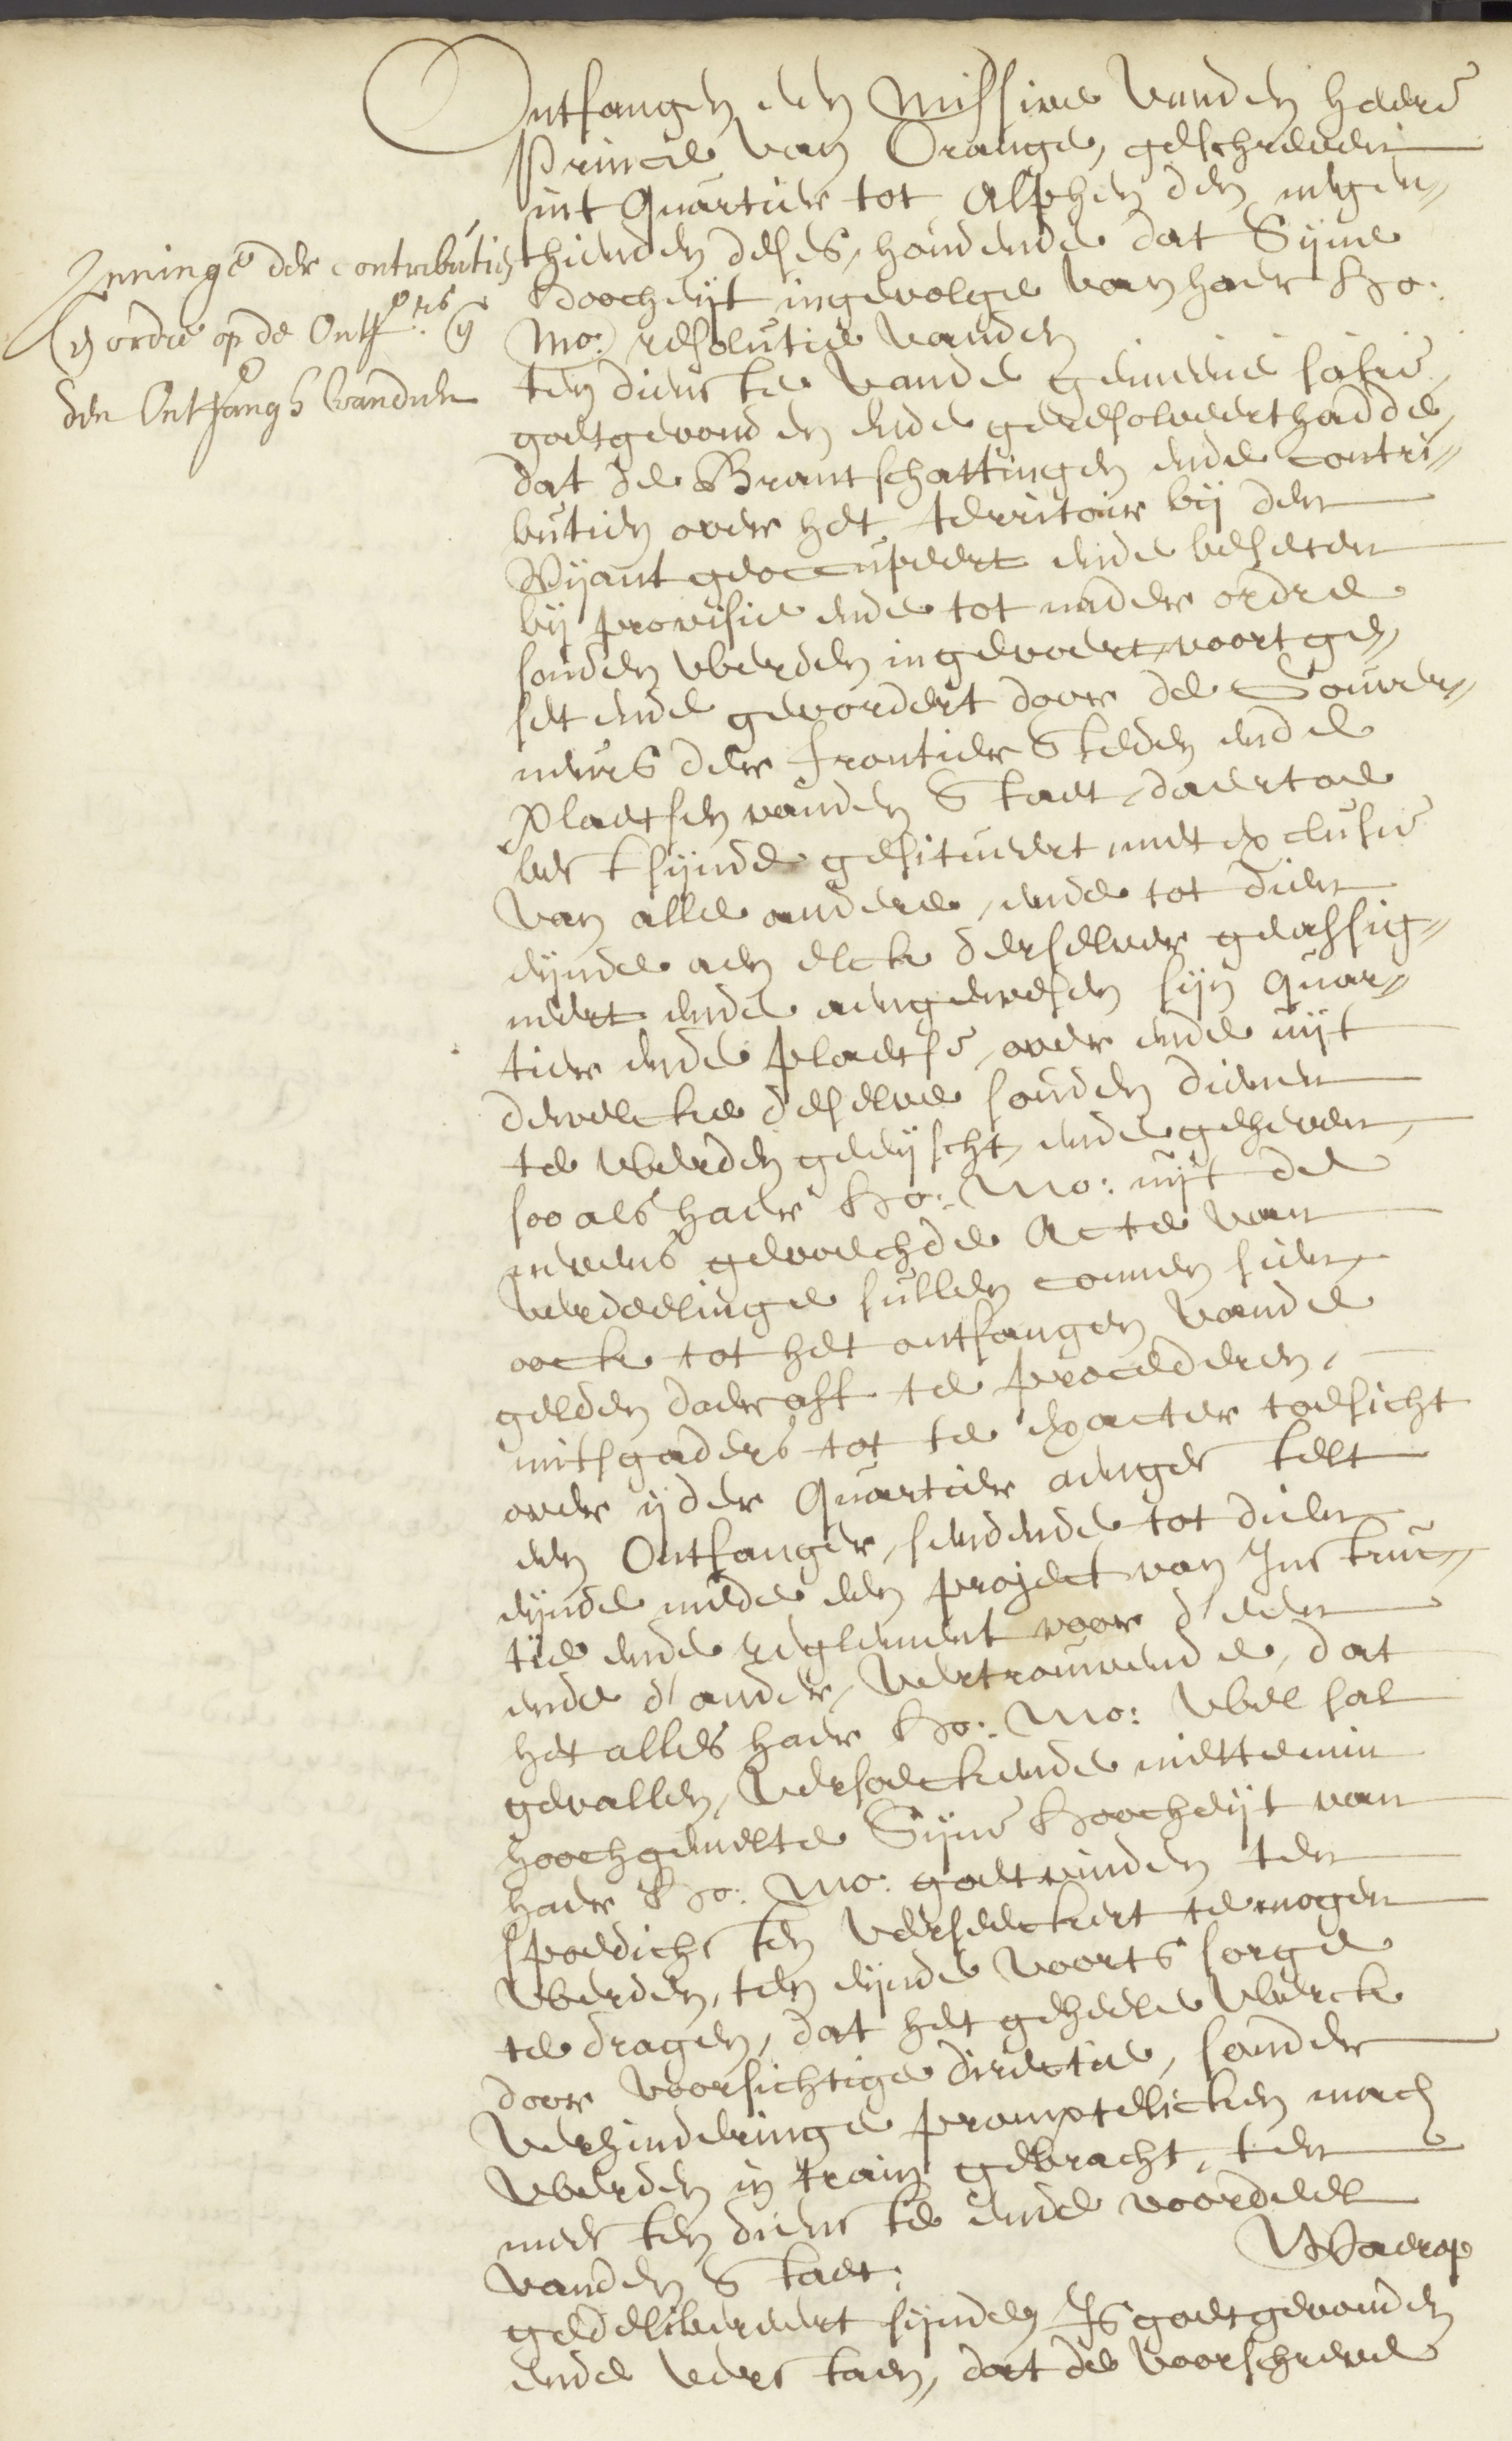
Inninge der contributien
& ordre op de Ontfrs. &
den Ontfangh vandien
Ontfangen een Missive vanden heere
Prince van Orange, geschreven
int Quartier tot Alphen den negen„
thienden deses, houdende dat Sijne
Hoocheijt ingevolge van haer Ho:
Mo: resolutie vanden - - - ,
ten dienste vande gemeene sake
goetgevonden ende geresolveert hadde
dat de Brantschattingen ende contri„
butien over het territoir bij den
Vijant geoccupeert ende beseten
bij provisie ende tot nader ordre
souden werden ingevoert, voortge„
set ende gevordert door de Gouver„
neurs der frontier Steden ende
plaetsen vanden Staet, daertoe
best sijnde gesitueert, met exclusie
van alle andere, ende tot dien
eijnde aen elck derselver geassig„
neert ende aengewesen sijn quar„
tier ende plaetse, over ende uijt
dewelcke deselve souden dienen
te werden geeijscht, ende geheven,
soo als haer Ho:Mo: uijt de
nevens gevoechde Acte van
verdeelinge sullen connen sien,
oock tot het ontfangen vande
gelden daeraff te procederen,
mitsgaders tot te exacter toesicht
over ijder Quartier aengestelt
een Ontfanger, sendende tot dien
eijnde mede een project van Instruc„
tie ende reglement voor d‛een
ende d'ander, vertrouwende, dat
het alles haer Ho:Mo: wel sal
gevallen, versoeckende niettemin
hoochgemelte Sijne Hoocheijt van
haer Ho:Mo: goetvinden ten
spoedichsten verseeckert te mogen
werden, ten eijnde voorts sorge
te dragen, dat het geheele werck
door voorsichtige directie, sonder
verhinderinge promptelicken mach
werden in train gebracht, ten
meesten dienste ende voordeel
vanden Staet: Waerop
gedelibereert sijnde, Is goetgevonden
ende verstaen, dat de voorschreve
